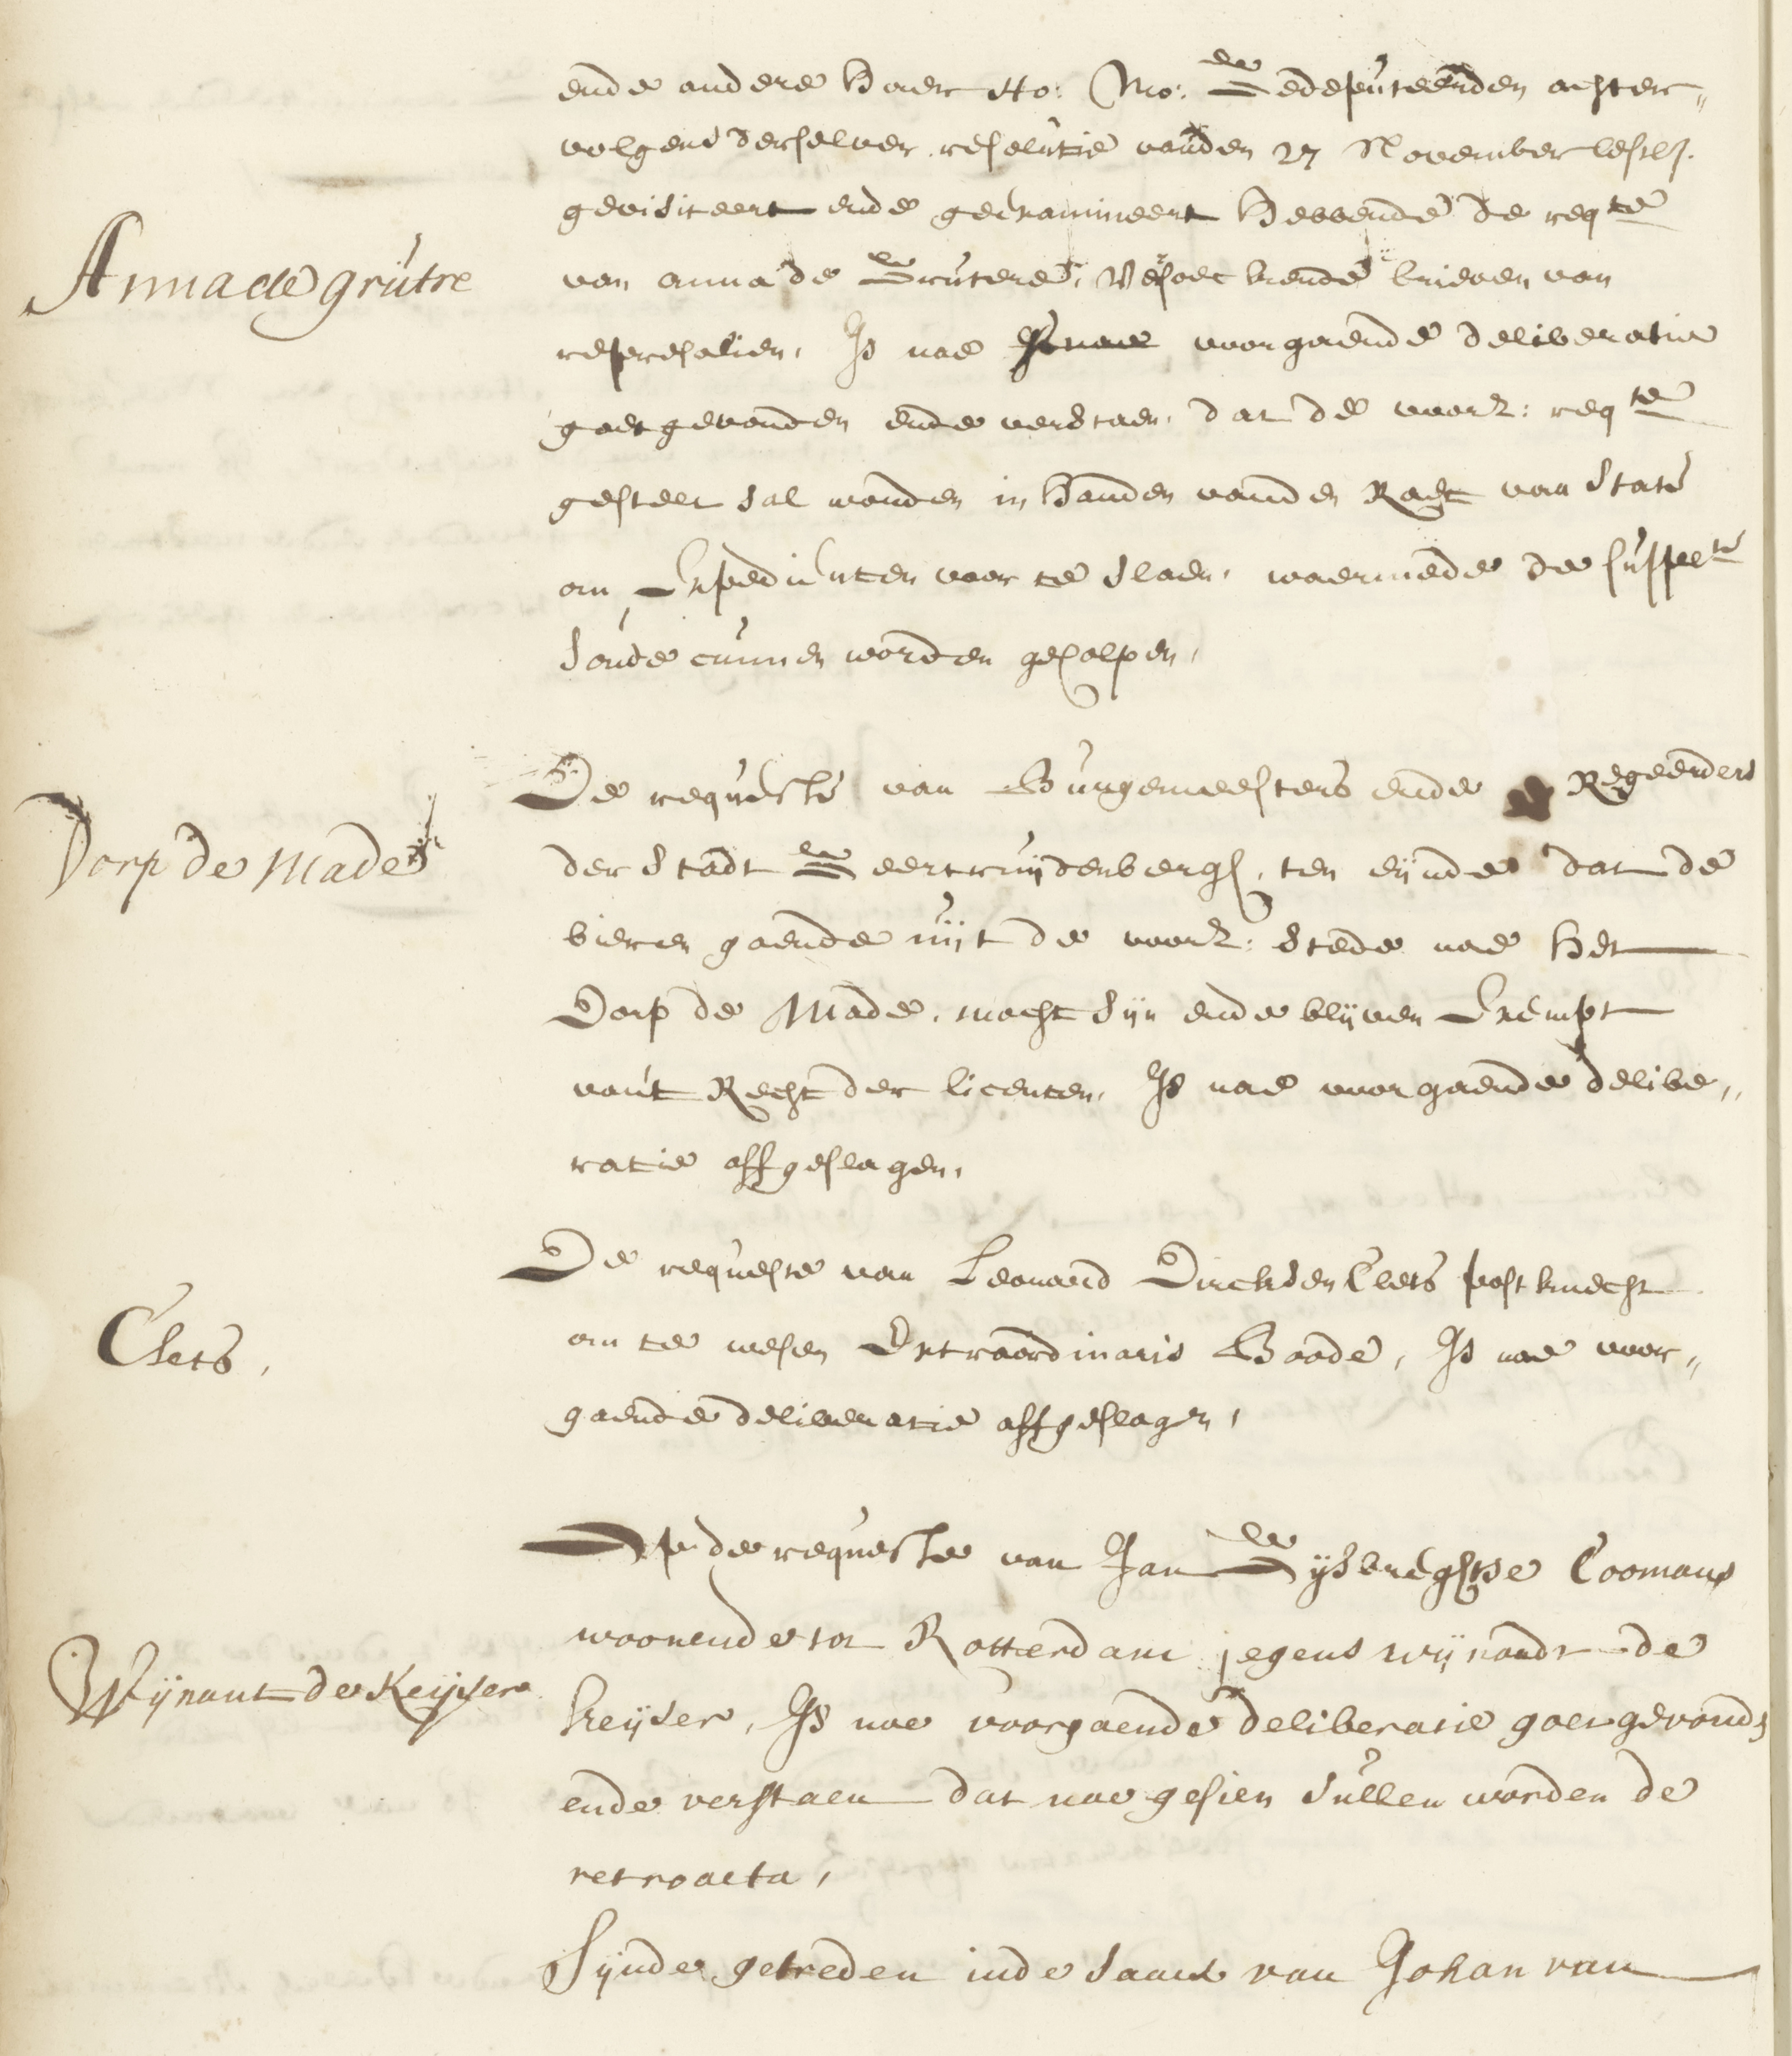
Anna de grutre
ende andere haer Ho:Mo: Gedeputeerden achter„
volgens derselver resolutie vanden 27 November lestl.
gevisiteert ende geexamineert hebbende de reqte
van anna de Grutere, versoeckende brieuen van
represalien. Is nae Is nae voorgaende deliberatie
goetgevonden ende verstaen, dat de voorz: reqte
gestelt sal worden in handen vanden Raet van State
om Expedienten voor te slaen, waermede de supplte
soude cunnen worden geholpen.
Dorp de Made
De requeste van Burgemeesters ende Regeerders
der Stadt Geertruijdenbergh, ten eijnde dat de
bieren gaende uijt de voorz: Stede nae het
Dorp de Made, mocht sijn ende blijven Exempt
van't Recht der licenten. Is nae voorgaende delibe„
ratie affgeslagen.
Clets.
De requeste van Leonard Dircksen Clets postknecht
om te wesen Extraordinaris Boode, Is nae voor„
gaende deliberatie affgeslagen.
Wijnant de Keijser
Op de requeste van Jan Gijsbreghtse Coomans
woonende tot Rotterdam: jegens wijnandt de
keijser, Is nae voorgaende deliberatie goetgevonden
ende verstaen dat nae gesien sullen worden de
retroacta.
Sijnde getreden inde saack van Johan van
